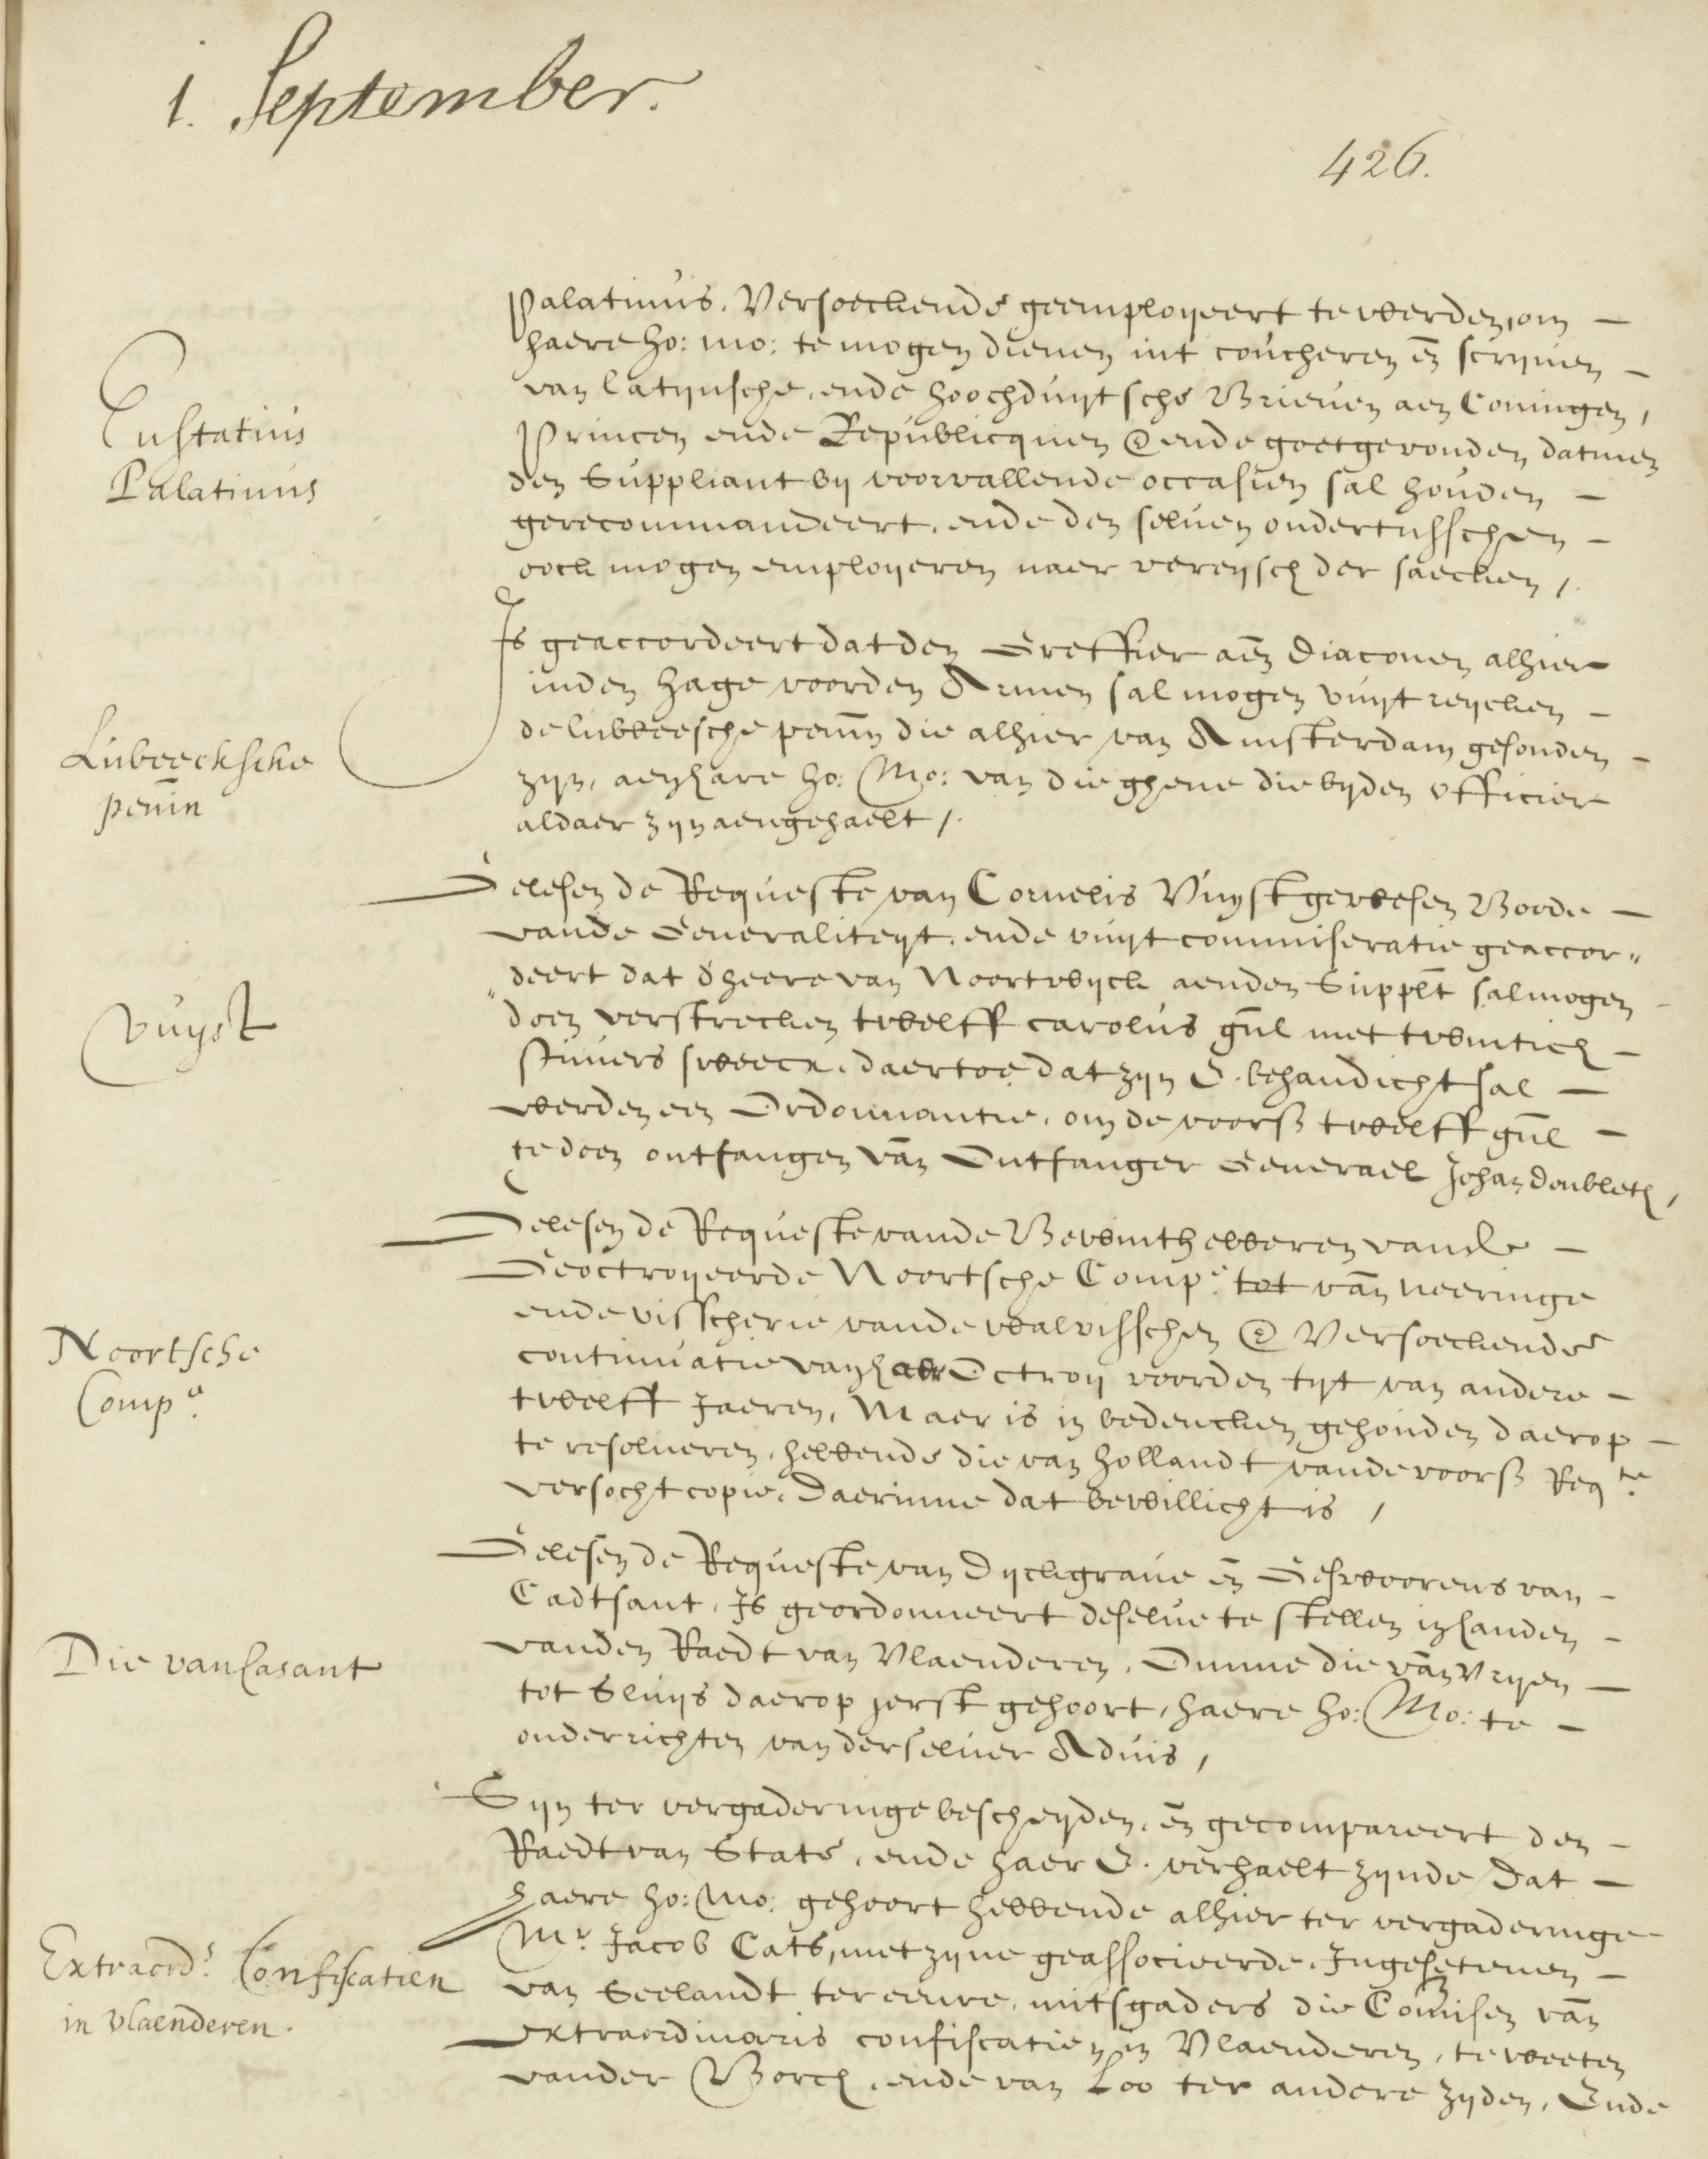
426.
1. September.
Eustatius
Palatinus
Palatinus, Versoeckende geemployeert te werden, om —
haere ho:mo: te mogen dienen int coucheren en scryuen -
van latynsche, ende hoochduytsche Brieuen aen Coningen,
Princen ende Republicquen @ ende goetgevonden datmen
den Suppliant bij voorvallende occasien sal houden -
gerecommandeert, ende den seluen ondertusschen -
oock mogen employeren naer vereysch der saecken.
Lubeecksche
penin
Is geaccordeert dat den Greffier aen Diaconen alhier
inden hage voorden Armen sal mogen vuytreycken -
de lubbeesche penin die alhier van Amsterdam gesonden
zyn, aen hare ho:Mo: van dieghene die byden officier
aldaer zyn aengehaelt.
vuyst
Gelesen de Requeste van Cornelis Vuyst gewesen Boode -
vande Generaliteyt, ende vuyt commiseratie geaccor„
„deert dat d'heere van Noortwyck aenden Supplt sal mogen
doen verstrecken twelff carolus gul met twintich —
stuuers sweecx, daertoe dat zyn E. behandicht sal —
werden een Ordonnantie, om de voors twelff gul
te doen ontfangen van Ontfanger Generael Johan doubleth,
Noortsche
Compe.
Gelesen de Requeste vande Bewinthebberen vande
Geoctroyeerde Noortsche Compe tot van neeringe
ende visscherie vande walvisschen @ Versoeckende
continuatie van haer Octroy voorden tyt van andere -
twelff jaeren, Maer is in bedencken gehouden daerop —
te resolueren, hebbende die van hollandt vande voors Reqte.
versocht copie, Daerinne dat bewillicht is.
Die van Casant
Gelesen de Requeste van Dyckgraue en Geswoorens van —
Cadtsant. Is geordonneert deselue te stellen in handen
vanden Raedt van Vlaenderen, Omme die van Vryen
tot Sluys daerop jerst gehoort, haere ho:Mo: te
onderrichten van derselver Aduis.
Extaords. Confiscatien
in Vlaenderen.
Syn ter vergaderinge bescheyden, en gecompareert den -
Raedt van State, ende haer E. verhaelt zynde dat —
haere ho:Mo: gehoort hebbende alhier ter vergaderinge
Mr. Jacob Cats, met zyne geassocieerde, Ingesetenen
van Seelandt ter eenre, mitsgaders die Comisen van
Extraordinaris confiscatien in Vlaenderen, te weeten
vander Borch, ende van Loo ter andere zyden, Ende
